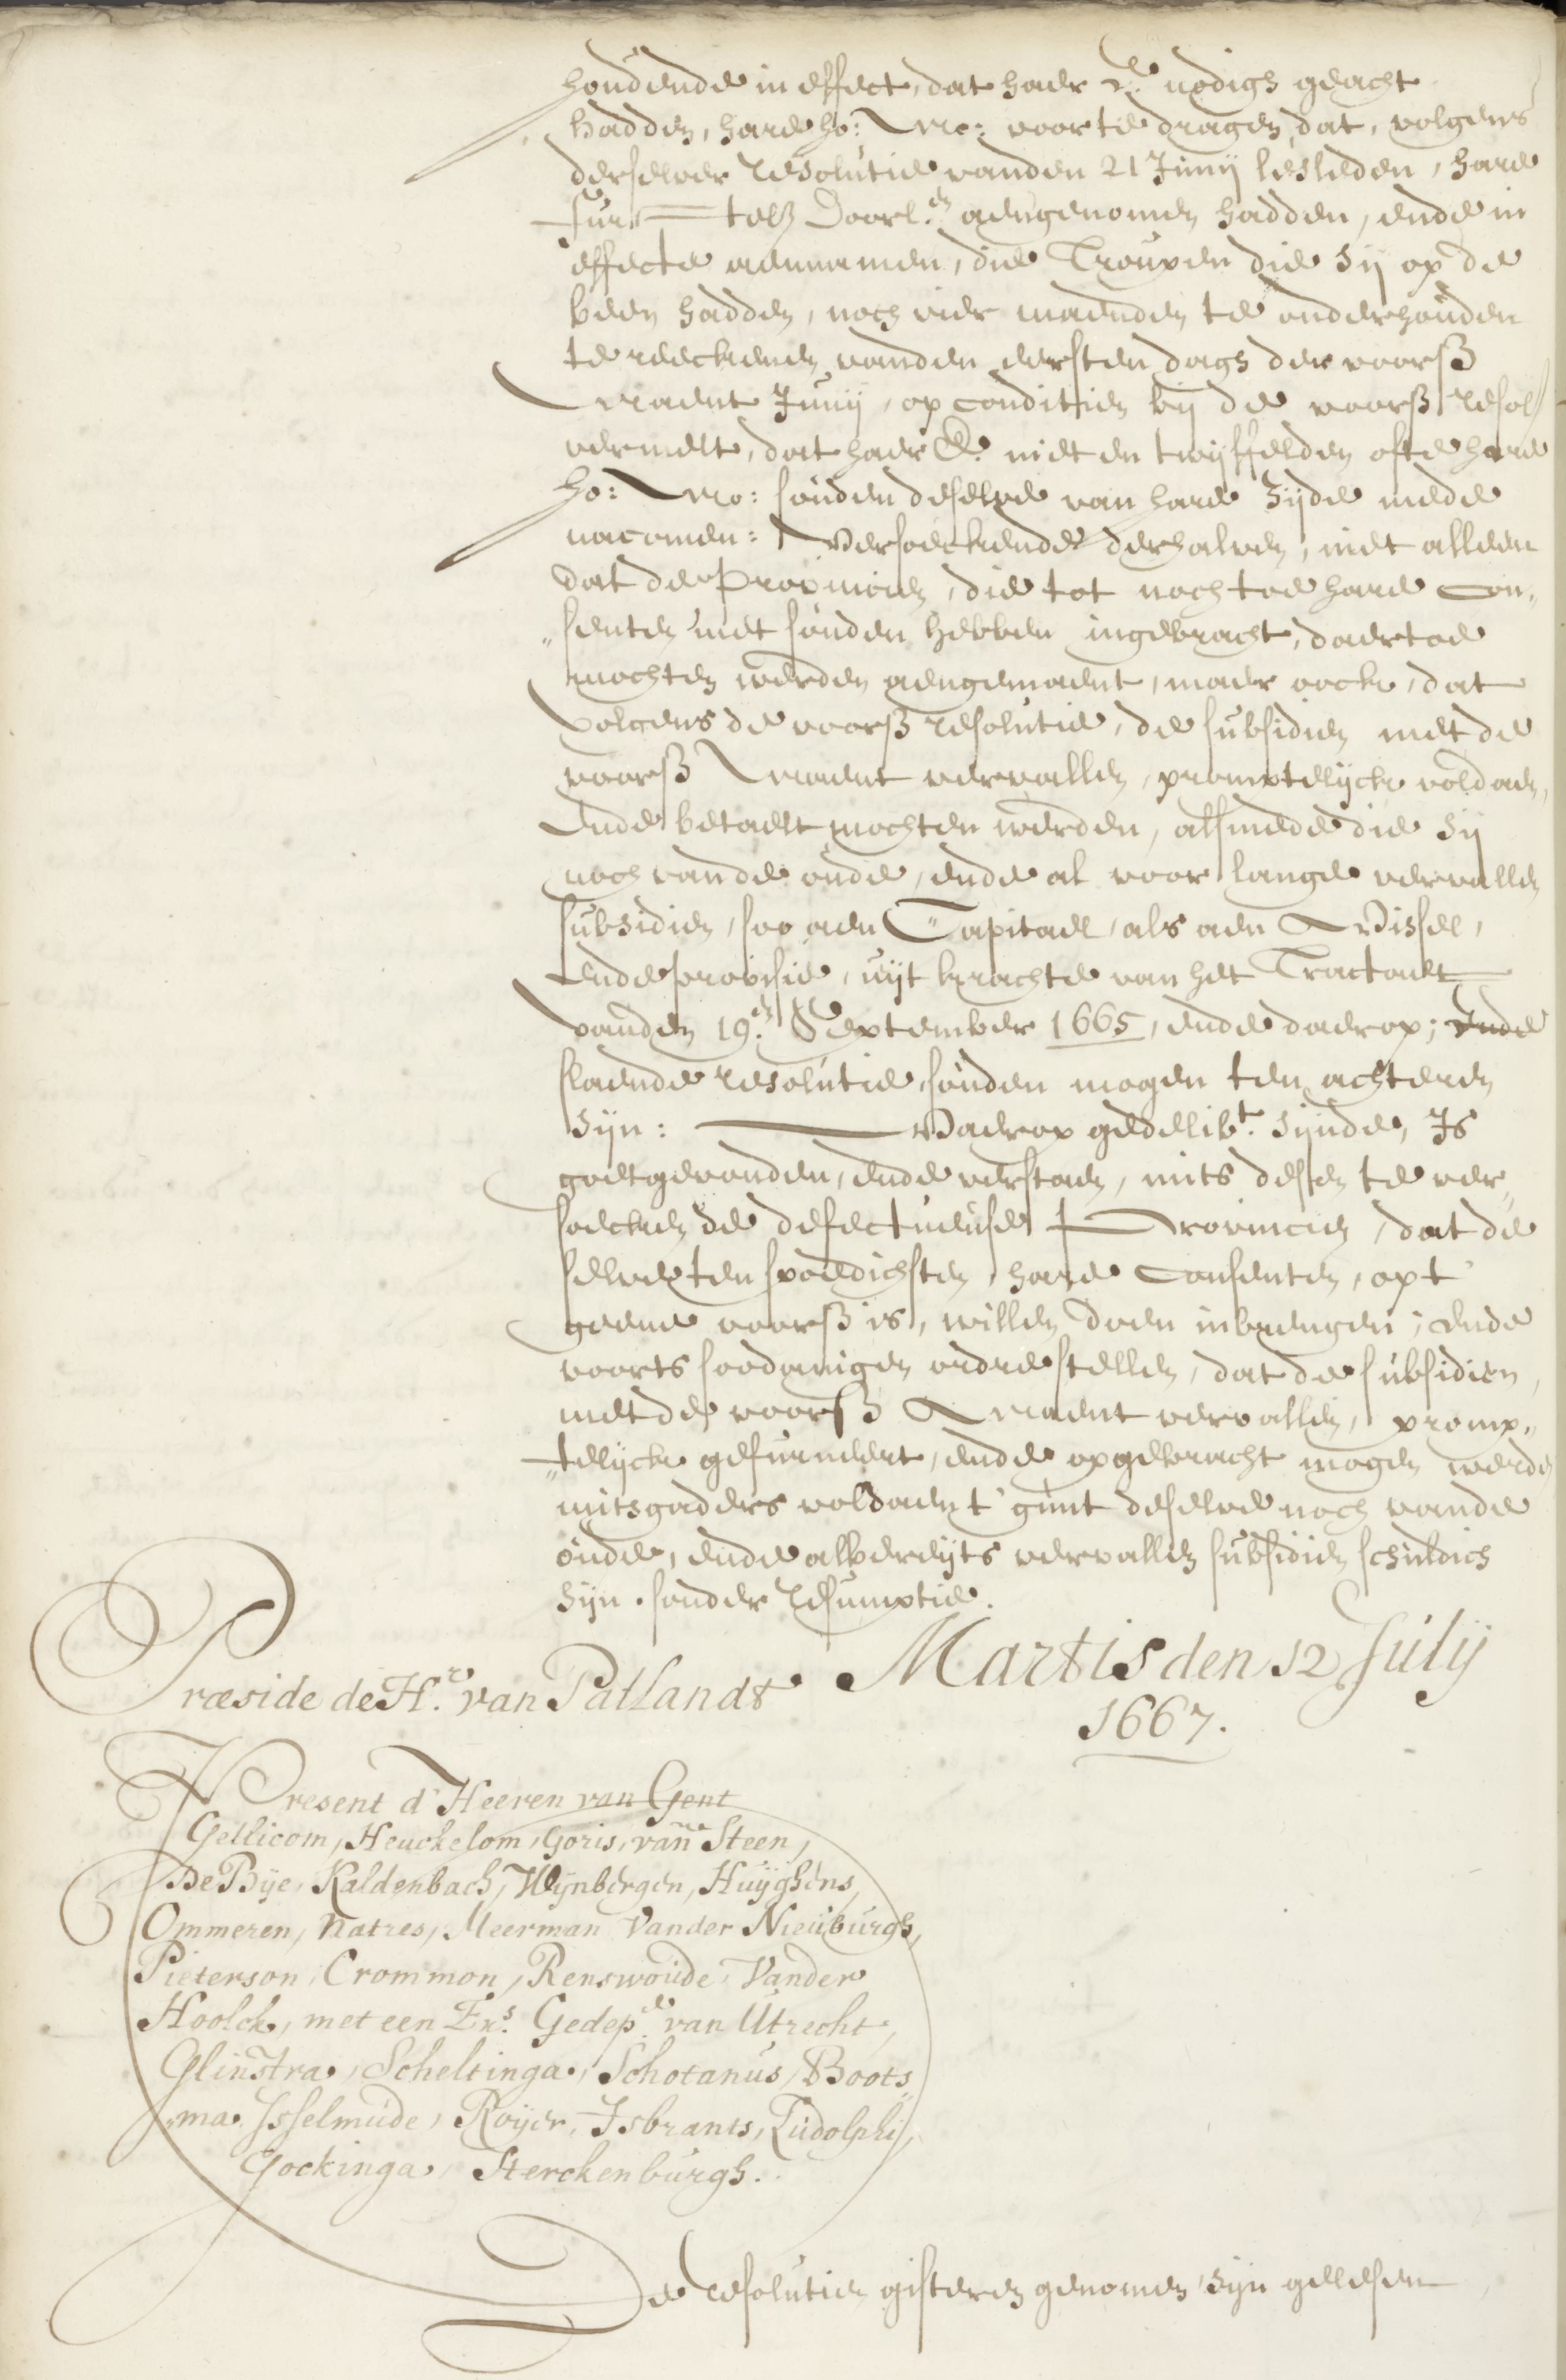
houdende in effect, dat haer E. nodigh geacht
hadden, hare Ho:Mo: voor te dragen, dat, volgens
derselver resolutie vanden 21 Junij lesleden, hare
Furstel. Doorl.e aengenomen hadden, ende in
effecte aennamen, die Troupen die sij op de
been hadden, noch vier maenden te onderhouden
te reeckenen vanden eersten dagh der voors
maent Junij, op conditien bij de voors resol
vermelt, dat haer E. niet en twijffelden ofte hare
Ho:Mo: souden deselve van hare zijde mede
nacomen: Versoeckende derhalven, niet alleen
dat de provincien, die tot noch toe hare con„
,,senten niet souden hebben ingebracht, daertoe
mochten werden aengemaent, maer oock, dat
volgens de voors resolutie, de subsidien met de
voors maent vervallen, promptelijck voldaen
Ende betaelt mochten werden, alsmede die sij
noch vande oude, ende al voor lange vervallen
subsidien, soo aen Capitael als aen Wissel
ende provisie, uijt krachte van het Tractaet
vanden 19en September 1665, ende daerop; ende
slaende resolutie souden mogen ten achteren,
sijn: Waerop gedelibt sijnde, Is
goetgevonden, ende verstaen, mits desen te ver„
soecken de defectueuse Provincien, dat de
selve ten spoedichsten, hare consenten, opt
geene voors is, willen doen inbrengen; ende
voorts soodanigen ordre stellen, dat de subsidien
met de voors maent vervallen, promp„
,,telijck gefurneert, ende opgebracht mogen werden
mitsgaders voldaen t' gunt deselve noch vande
oude, ende albereijts vervallen subsidien schuldich
sijn, sonder resumptie.
Martis den 12 Julij
1667.
Preside de Heer van Pallandt
Present d'Heeren van Gent,
Gellicom, Heuckelom, Goris, van Steen,
De Bije, Kaldenbach, Wijnbergen, Huijghens,
Ommeren, Natres, Heerman, Van der Nieuburgh,
Pietersen, Crommon, Renswoude, Vander
Hoolck, met een Exs. Gedep.e van Utrecht
Glinstra, Scheltinga, Schotanus, Boots„
ma Isselmude, Roijer, Isbrants, Ludolphi,
Gockinga, Sterckenburgh.
De resolutien gisteren genomen sijn gelesen
